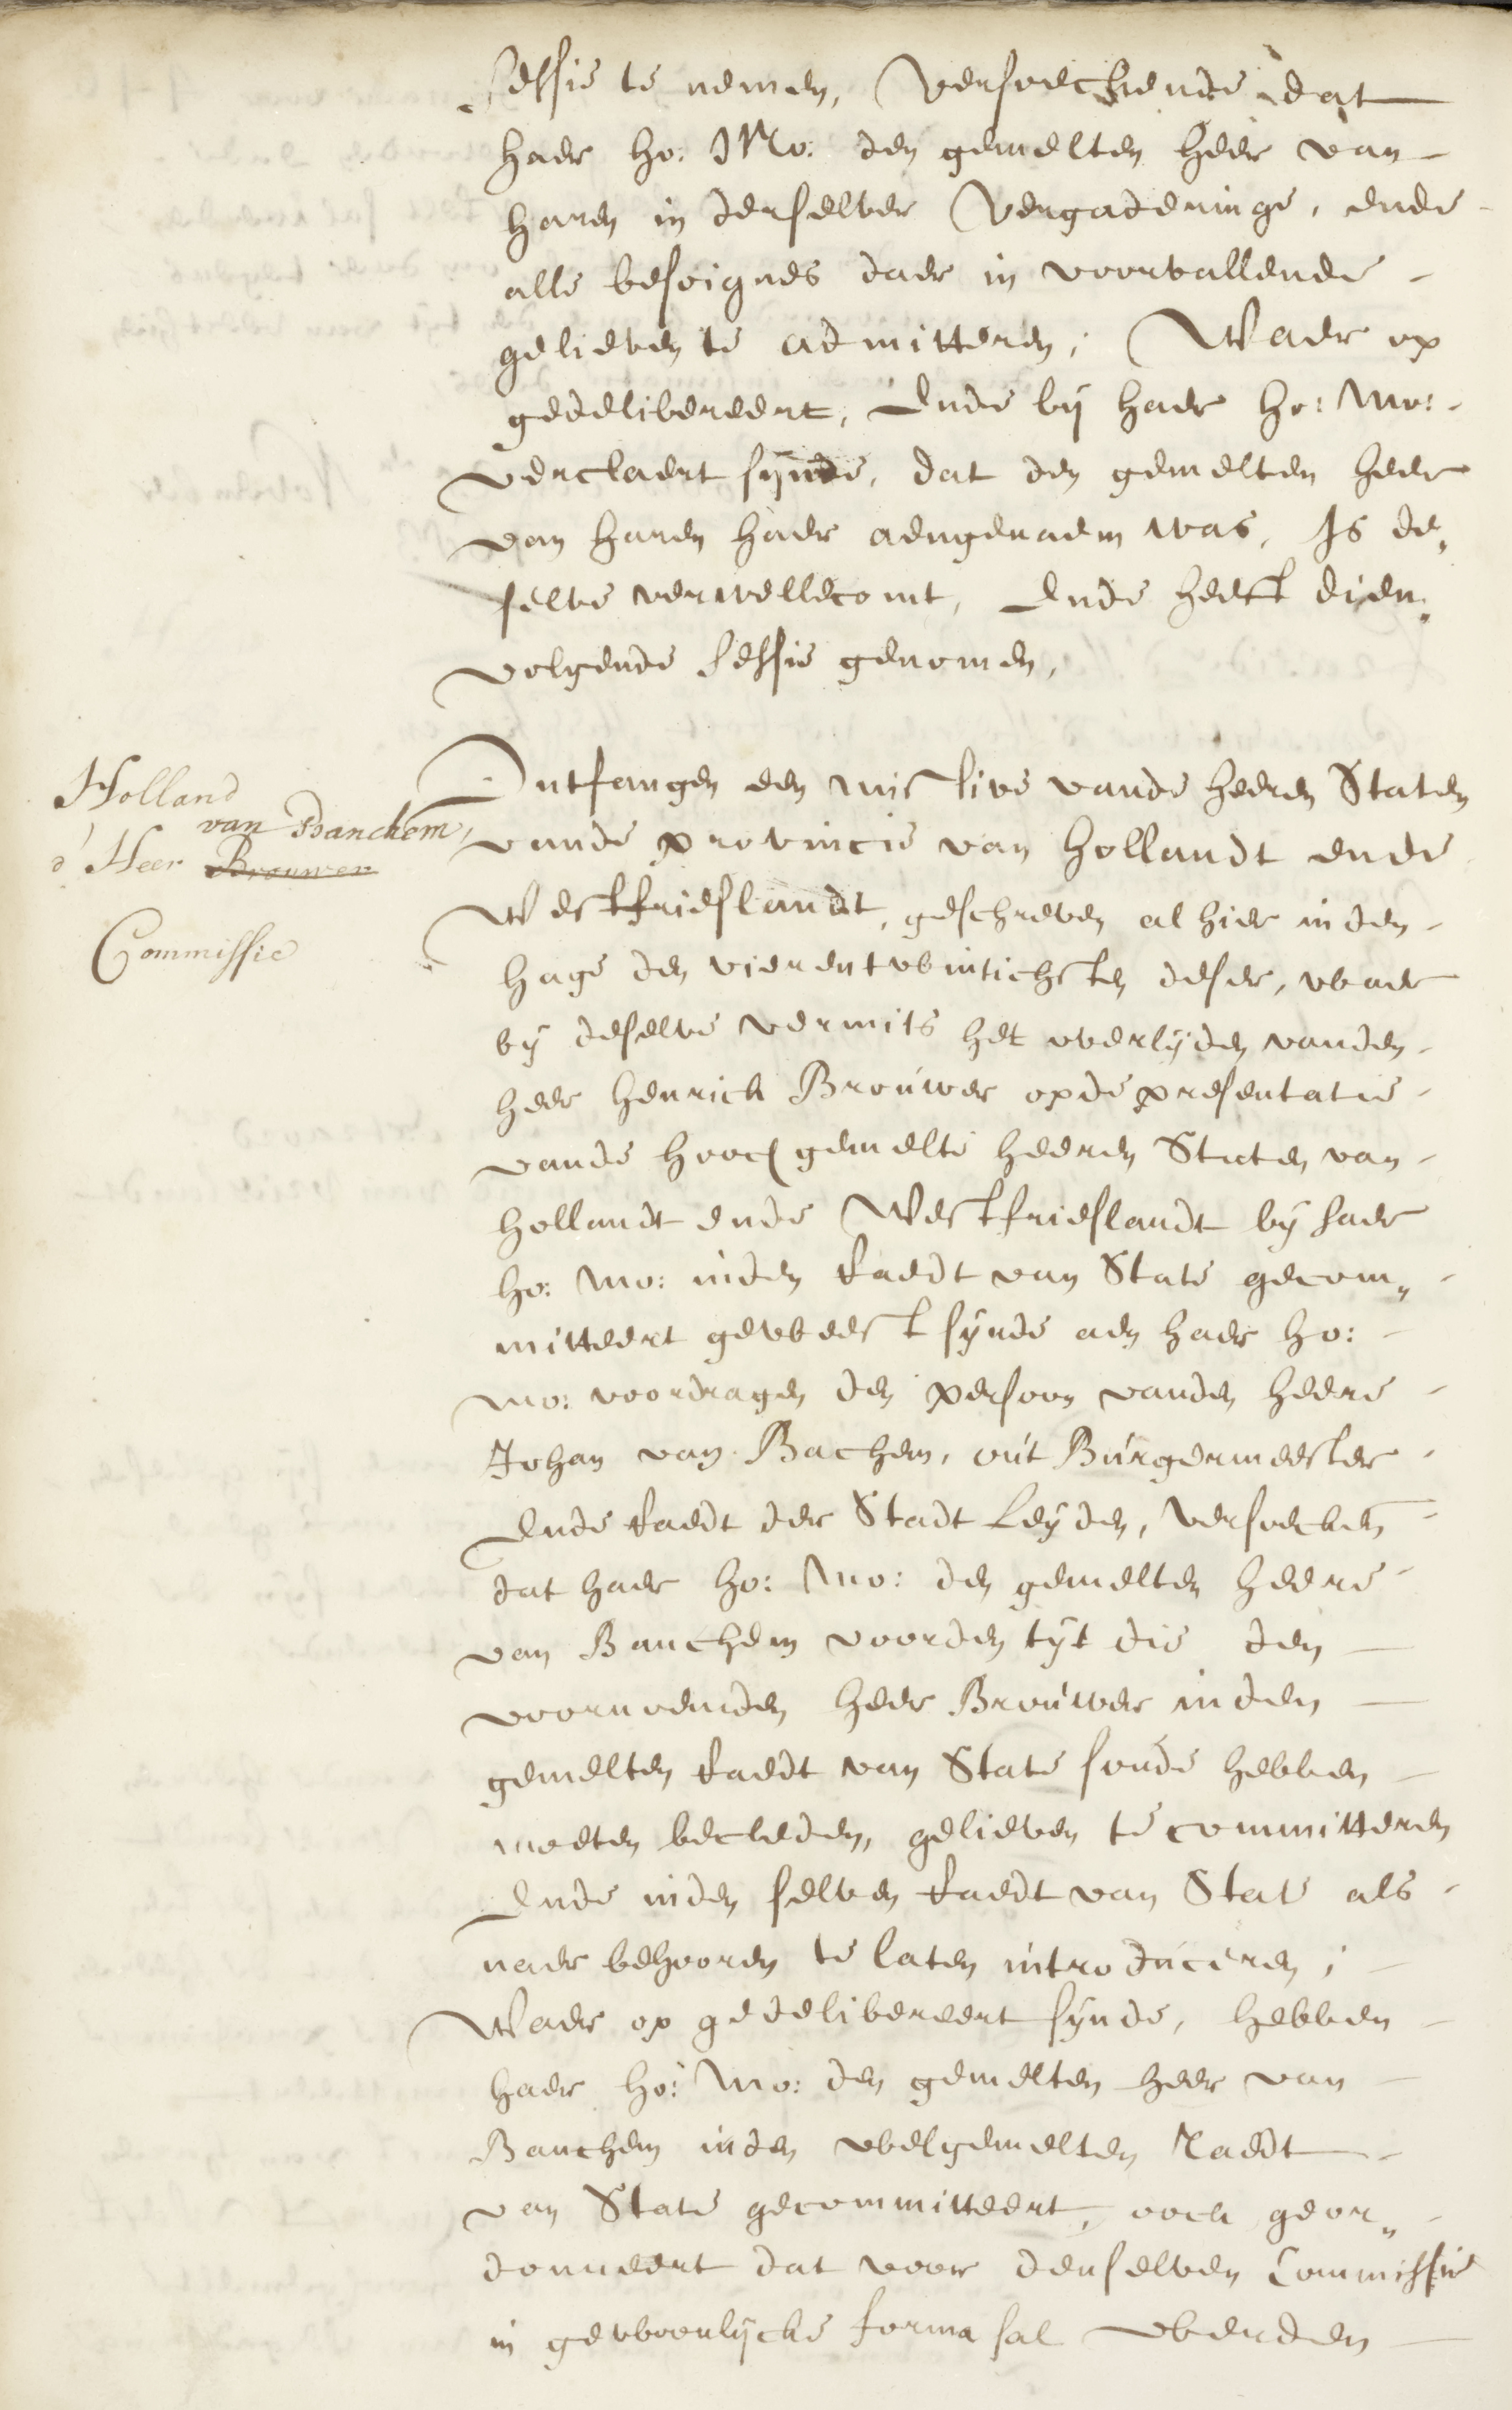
sessie te nemen, versoeckende dat
haer ho:Mo: den gemelten heer van
haren in derselver vergaderinge, ende
alle besoignes daer in voorvallende
gelieven te admitteren: Waer op
gedelibereert, ende bij haer ho:mo:
verclaert sijnde, dat den gemelten heer
van haren haer aengenaem was. Is de
selve verwellecomt, ende heeft dijen„
volgende sessie genomen.
Holland
van Banchem.
d'Heer Brouwer
Commissie
Ontfangen een missive vande heeren Staten
vande provincie van hollandt ende
Westfrieslandt, geschreven alhier inden
hage den vierentwintichsten deser, waer
bij deselve vermits het overlijden vanden
heer henrick Brouwer opde presentatie
vande hoochgemelte heeren Staten van
hollandt ende Westfrieslandt bij haer
ho:mo: inden Raedt van State gecom„
mitteert geweest sijnde aen haer ho:
mo: voordragen den persoon vanden heere
Johan van Bachem, out Burgermeester
ende Raedt der Stadt Leijden, versoecken
dat haer ho:mo: den gemelten heere
van Banchem voorden tijt die den
voornoemden heer Brouwer inden
gemelten Raedt van State soude hebben
moeten becleden, gelieven te committeren
ende inden selven Raedt van State als
naer behooren te laten introduceren;
Waer op gedelibereert sijnde, hebben
haer ho:mo: den gemelten heer van
Banchem inden welgemelten raedt
van State gecommitteert, oock geor„
donneert dat voor denselven Commissie
in gewoonlijcke forma sal werden
